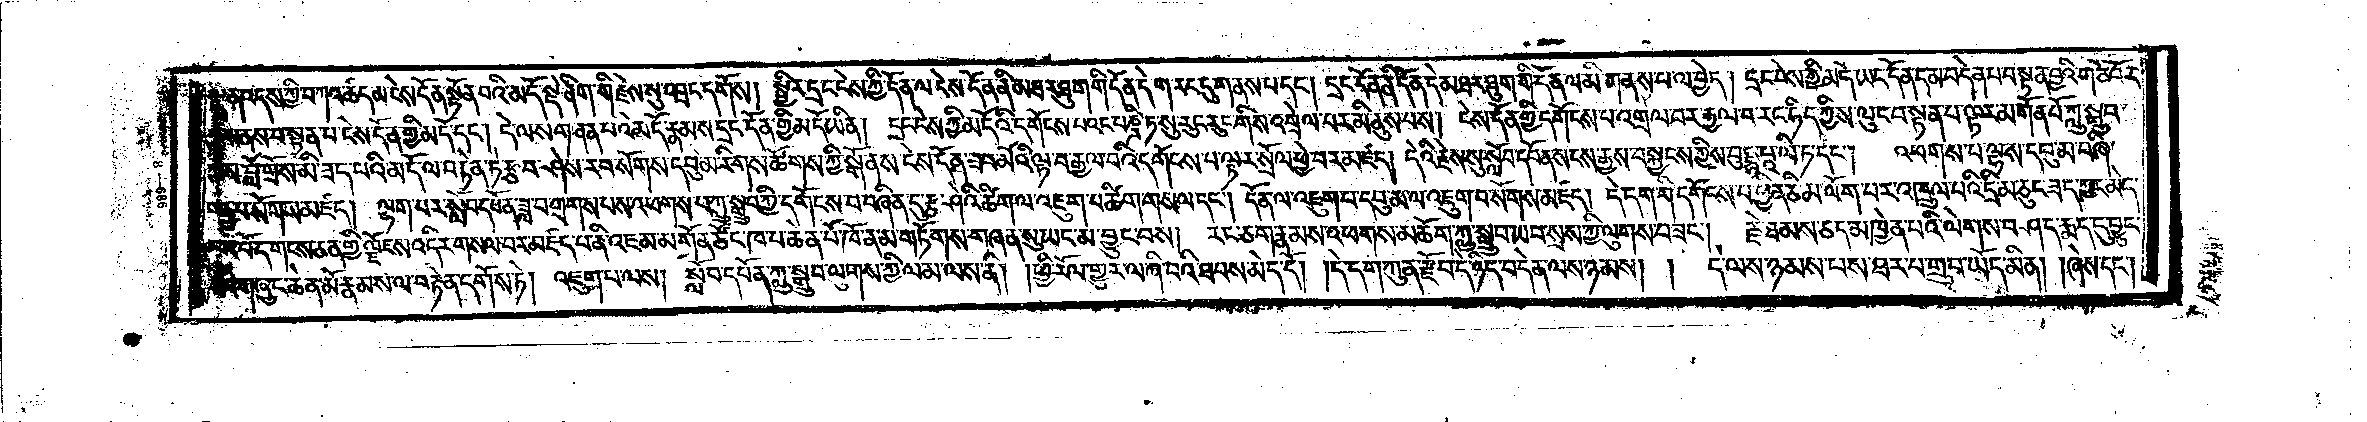ལྡན་འདས་ཀྱི་བཀའ་ཚད་མ་ངེས་དོན་སྟོན་པའི་མདོ་སྡེ་ཞིག་གི་རྗེས་སུ་འབྲང་དགོས། སྤྱིར་དྲང་ངེས་ཀྱི་དོན་ལ་ངེས་དོན་ནི་མཐར་ཐུག་གི་དོན་དེ་ག་རང་དུ་གནས་པ་དང་། དྲང་དོན་ནི་དོན་དེ་མཐར་ཐུག་གི་དོན་ལ་མི་གནས་པ་ལ་བྱེད། དྲང་ངེས་ཀྱི་མདོ་ཡང་དོན་དམ་བདེན་པ་བསྟན་བྱའི་གཙོ་བོར་
བྱས་ནས་བསྟན་པ་ངེས་དོན་གྱི་མདོ་དང་། དེ་ལས་གཞན་པའི་མདོ་རྣམས་དྲང་དོན་གྱི་མདོ་ཡིན། དྲང་ངེས་ཀྱི་མདོའི་དགོངས་པའང་པཎྜི་ཏ་སུ་རུང་རུང་གིས་འགྲེལ་བར་མི་ནུས་པས། ངེས་དོན་གྱི་དགོངས་པ་འགྲེལ་བར་རྒྱལ་བ་རང་ཉིད་ཀྱིས་ལུང་བསྟན་པ་ལྟར་མགོན་པོ་ཀླུ་སྒྲུབ་
ཀྱིས་བློ་གྲོས་མི་ཟད་པའི་མདོ་ལ་བརྟེན་ཏེ་རྩ་བ་ཤེས་རབ་སོགས་དབུ་མ་རིགས་ཚོགས་ཀྱི་སྒོ་ནས་ངེས་དོན་ཟབ་མོའི་ལྟ་བ་རྒྱལ་བའི་དགོངས་པ་ལྟར་སྲོལ་ཕྱེ་བར་མཛད། དེའི་རྗེས་སུ་སློབ་དཔོན་སངས་རྒྱས་བསྐྱངས་ཀྱིས་བུདྡྷ་པཱ་ལི་ཏ་དང་། འཕགས་པ་ལྷས་དབུ་མ་བཞི་
བརྒྱ་པ་སོགས་མཛད། ལྷག་པར་སློབ་དཔོན་ཟླ་བ་གྲགས་པས་འཕགས་པ་ཀླུ་སྒྲུབ་ཀྱི་དགོངས་པ་བཞིན་དུ་རྩ་ཤེའི་ཚིག་ལ་འཇུག་པ་ཚིག་གསལ་དང་། དོན་ལ་འཇུག་པ་དབུ་མ་ལ་འཇུག་པ་སོགས་མཛད། དེ་དག་གི་དགོངས་པ་ཕྱིན་ཅི་མ་ལོག་པར་འཁྲུལ་པའི་དྲི་མ་ཅུང་ཟད་ཀྱང་མེད་
པར་བོད་གངས་ཅན་གྱི་ལྗོངས་འདིར་གསལ་བར་མཛད་པ་ནི་འཇམ་མགོན་ཙོང་ཁ་པ་ཆེན་པོ་ཁོ་ན་མ་གཏོགས་གཞན་སུ་ཡང་མ་བྱུང་བས། རང་ཅག་རྣམས་འཕགས་མཆོག་ཀླུ་སྒྲུབ་ཡབ་སྲས་ཀྱི་ལུགས་བཟང་། རྗེ་ཐམས་ཅད་མཁྱེན་པའི་ལེགས་བཤད་རྨད་དུ་བྱུང་
བའི་གཞུང་ཆེན་མོ་རྣམས་ལ་བརྟེན་དགོས་ཏེ། འཇུག་པ་ལས། སློབ་དཔོན་ཀླུ་སྒྲུབ་ལུགས་ཀྱི་ལམ་ལས་ནི། །ཕྱི་རོལ་གྱུར་ལ་ཞི་བའི་ཐབས་མེད་དོ། །དེ་དག་ཀུན་རྫོབ་དེ་ཉིད་བདེན་ལས་ཉམས། །དེ་ལས་ཉམས་པས་ཐར་པ་གྲུབ་ཡོད་མིན། །ཞེས་དང་།